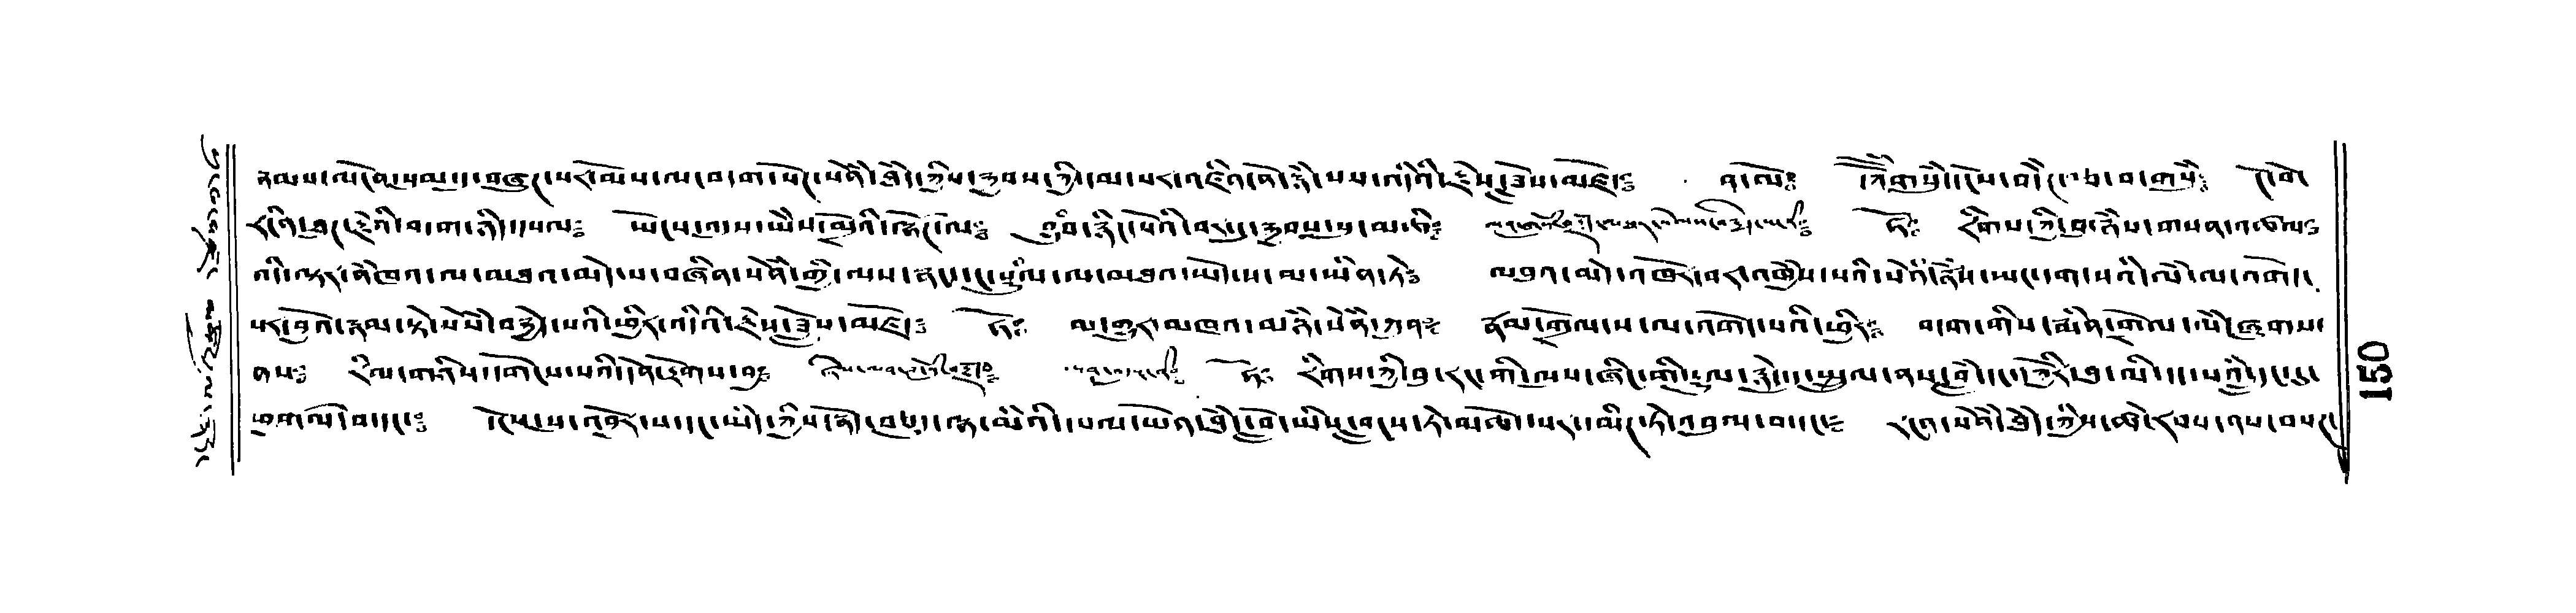རྣམས་མངོན་སུམ་དུ་བཞུགས་པར་མོས་ལ་བདག་སོགས་སེམས་ཅན་ཐམས་ཅད་ཀྱིས་སྐྱབས་ཀྱི་དམ་པར་འཛིན་ནོ་སྙམ་པས་འདིའི་རྗེས་ཟློས་མཛོད༔ ན་མོ༔ དཀོན་མཆོག་གསུམ་དངོས་བདེ་གཤེགས་རྩ་བ་གསུམ༔ ངོ་བོ་
རང་བཞིན་ཐུགས་རྗེའི་བདག་ཉིད་དཔལ༔ ཡོངས་འདུས་ཡེ་ཤེས་མཁའ་འགྲོའི་ལྷ་ཚོགས་ལ༔ བྱང་ཆུབ་སྙིང་པོའི་བར་དུ་སྐྱབས་སུ་མཆི༔ ལན་གསུམ་བརྗོད་མཐར་སེམས་བསྐྱེད་པ་ནི༔ ཧོཿ རིགས་ཀྱི་བུ་རྣམས་གསན་འཚལ༔ 
འདི་ལྟར་ནམ་མཁའ་ལ་མཐའ་མེད་པ་བཞིན་སེམས་ཅན་གྱི་ལས་སྣང་དང་སྡུག་བསྔལ་ལ་མཐའ་ཡོད་པ་མ་ཡིན་ཏེ༔ མཐའ་མེད་འཁོར་བར་འཁྱམས་པའི་སེམས་ཅན་རྣམས་ཡང་དག་པའི་ལམ་ལ་འགོད་
པར་བྱའོ་སྙམ་སྟེ་སེམས་བསྐྱེད་པའི་ཕྱིར་འདིའི་རྗེས་ཟློས་མཛོད༔ ཧོཿ མ་གྱུར་མཁའ་མཉམ་སེམས་ཅན་ཀུན༔ རྣམ་གྲོལ་ས་ལ་འགོད་པའི་ཕྱིར༔ བདག་གིས་སྨིན་གྲོལ་ལམ་ཞུགས་
ནས༔ རིམ་གཉིས་དགོངས་པའི་དོན་རྟོགས་བྱ༔ ཞེས་ལན་གསུམ་བརྗོད༔ ཡན་བདུན་ནི༔ ཧོཿ རིགས་ཀྱི་བུ་རང་གི་ལུས་ཞིང་གི་རྡུལ་སྙེད་དུ་སྤྲུལ་ནས་བླ་མ་དང་དཀྱིལ་འཁོར་ཐ་མི་དད་པའི་དྲུང་དུ་
ཕྱག་འཚལ་བ་དང༔ དངོས་སུ་འབྱོར་པ་དང་ཡིད་ཀྱིས་སྣོད་བཅུད་ལྷ་མིའི་དཔལ་ཡོན་ཐམས་ཅད་བློ་ཡིས་བླངས་ཏེ་མཆོད་པར་དམིགས་ཏེ་འབུལ་བ་དང༔ རང་གཞན་སེམས་ཅན་ཐམས་ཅད་ཀྱིས་ཚེ་རབས་ནས་བསགས་